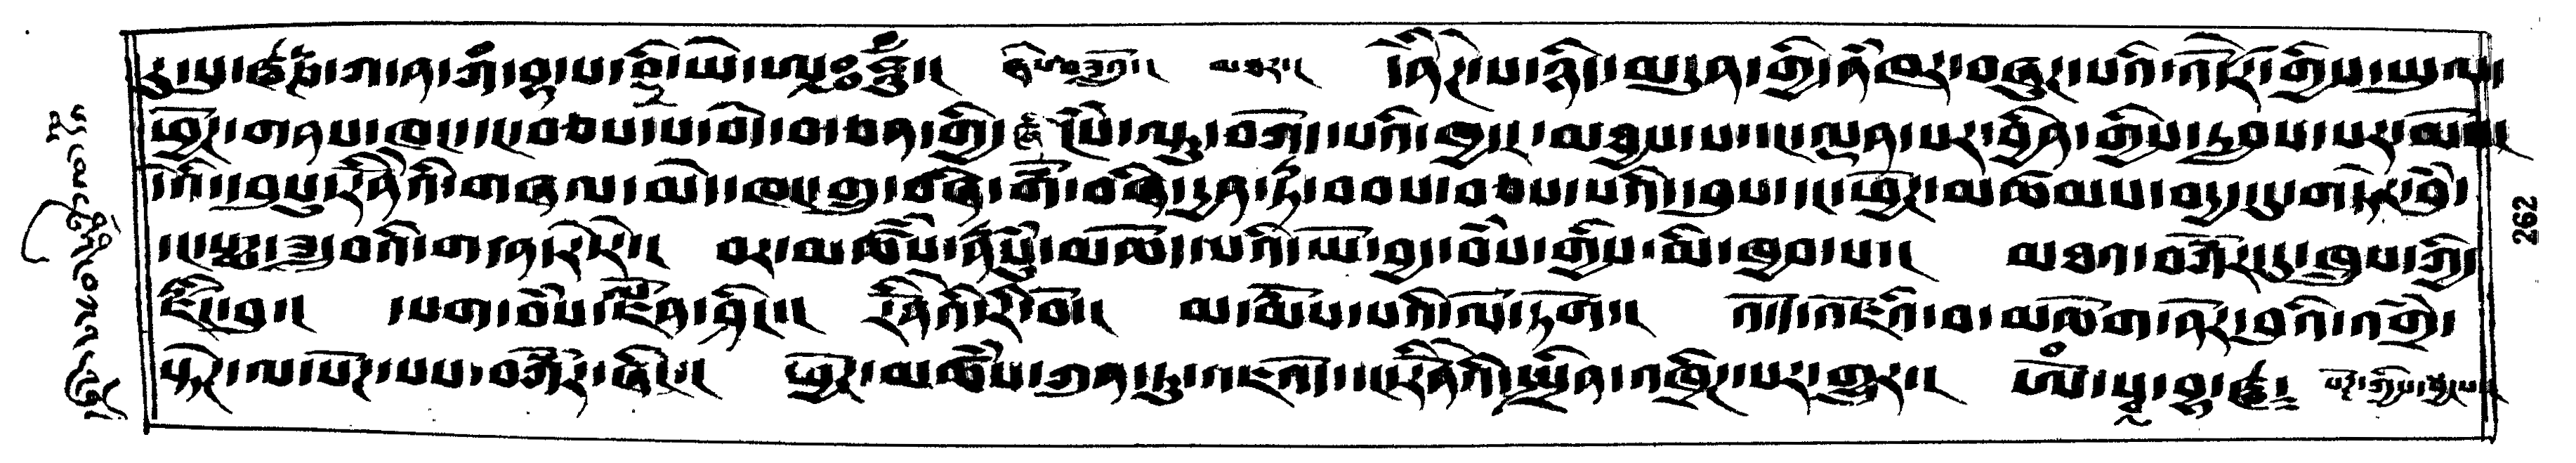རུ་པུ་ཝཎ་ཀ་ན་ཀཾ་བྷ་ས་བྷི་ཡེ་ཨཱཿཧཱུྃ། ཞེས་བཟླའོ།། མཐར། དེ་བཞིན་གཤེགས་པ་ཉིད་མདུན་གྱི་ནམ་མཁར་བཞུགས་པའི་འོད་ཟེར་གྱིས་ཡུལ་
ཕྱོགས་གནས་ཁང་དང་བཅས་པ་བདེ་བ་ཅན་གྱི་ཞིང་ཁམས་ལྟ་བུ་བཀོད་པའི་ཁྱད་པར་མཐའ་ཡས་པ་དང་ལྡན་པར་བྱིན་གྱིས་བརླབས་པར་མོས་
དེའི་དབུས་སུ་རིན་པོ་ཆེའི་གཞལ་མེད་ཁང་གྲུ་བཞི་སྒོ་བཞི་རྒྱན་རྟ་བབས་བཅས་པའི་དབུས་དང་ཕྱོགས་མཚམས་བརྒྱད་དུ་གཏེར་བུམ་
དང་པདྨ་ཟླ་བའི་གདན་རེ་རེ།བར་མཚམས་རྣམས་སུ་མཆོད་པའི་ཡོ་བྱང་བསམ་གྱིས་མི་ཁྱབ་པ། མཐའ་བསྐོར་དུ་ཁྲུས་ཀྱི་
རྫིང་བུ། དཔག་བསམ་ལྗོན་ཤིང་། རིན་པོ་ཆེའི་རི་བོ། མ་རྨོས་པའི་ལོ་ཏོག འདོད་འཇོའི་བ་མཆོག་ནོར་བུའི་འགྲམ་
སྟེགས་ལ་སོགས་པས་བསྐོར་ཞིང་། ཕྱོགས་མཚམས་ཀུན་ཏུ་འཇའ་འོད་དང་རིན་པོ་ཆེའི་སྤྲིན་འཁྲིགས་པར་གྱུར།། ཨོཾ་སྭ་བྷ་ཝ༴ སོགས་ཀྱིས་དབྱིངས་